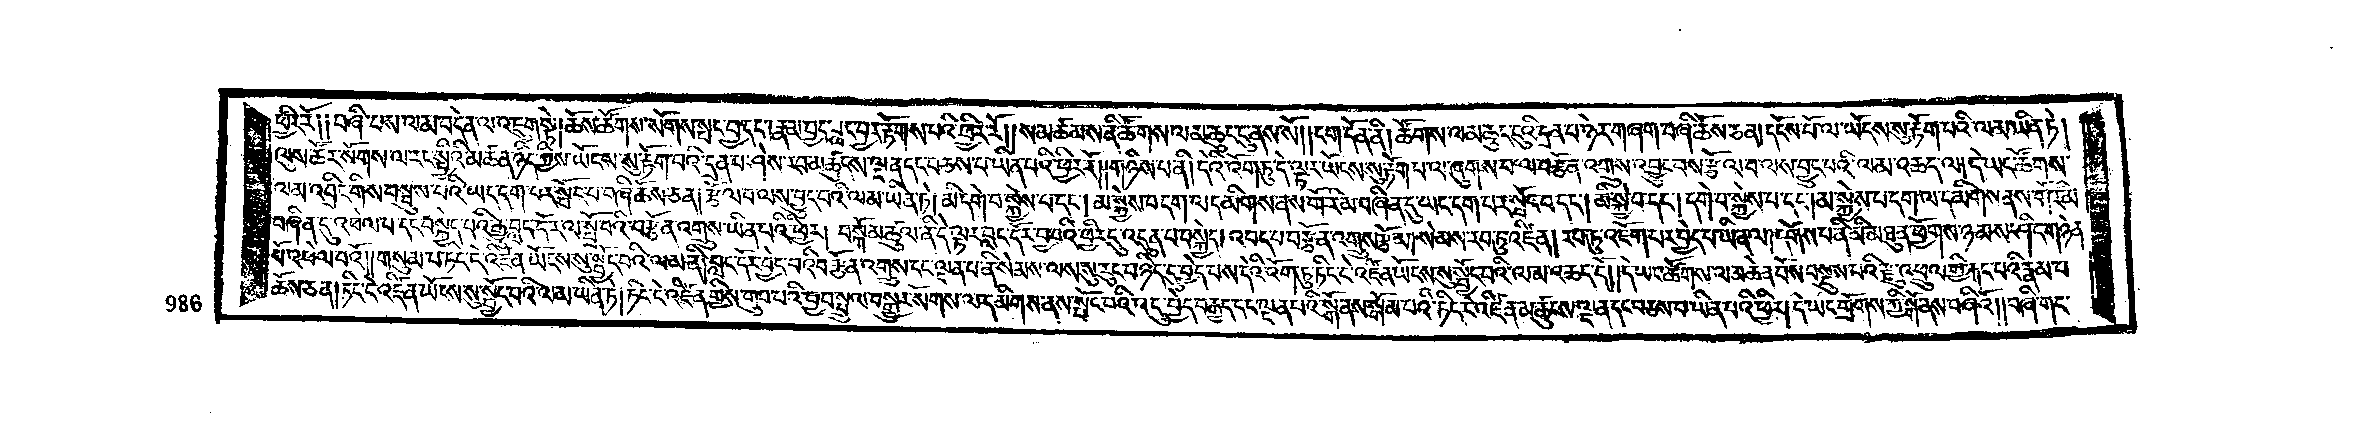ཕྱིར་རོ། །བཞི་པས་ལམ་བདེན་ལ་འཇུག་སྟེ། ཆོས་ཚོགས་སོགས་སྤང་བྱ་དང་། རྣམ་བྱང་བླང་བྱར་རྟོགས་པའི་ཕྱིར་རོ། །ས་མཚམས་ནི་ཚོགས་ལམ་ཆུང་ངུ་ནས་སོ། །ངག་དོན་ནི། ཚོགས་ལམ་ཆུང་ངུའི་དྲན་པ་ཉེར་གཞག་བཞི་ཆོས་ཅན། དངོས་པོ་ལ་ཡོངས་སུ་རྟོག་པའི་ལམ་ཡིན་ཏེ།
ལུས་ཚོར་སོགས་ལ་རང་སྤྱིའི་མཚན་ཉིད་ཀྱིས་ཡོངས་སུ་རྟོག་པའི་དྲན་པ་ཤེས་རབ་མཚུངས་ལྡན་དང་བཅས་པ་ཡིན་པའི་ཕྱིར་རོ། །གཉིས་པ་ནི། དེའི་འོག་ཏུ་དེ་ལྟར་ཡོངས་སུ་རྟོག་པ་ལ་ཞུགས་པ་ལ་བརྩོན་འགྲུས་འབྱུང་བས་རྩོལ་བ་ལས་བྱུང་པའི་ལམ་འཆད་ལ། དེ་ཡང་ཚོགས་
ལམ་འབྲིང་གིས་བསྡུས་པའི་ཡང་དག་པར་སྤོང་པ་བཞི་ཆོས་ཅན་རྩོལ་བ་ལས་བྱུང་པའི་ལམ་ཡིན་ཏེ། མི་དགེ་བ་སྐྱེས་པ་དང་། མ་སྐྱེས་བ་དག་ལ་དམིགས་ནས་གོ་རིམ་བཞིན་དུ་ཡང་དག་པར་སྤོང་བ་དང་། མི་སྐྱེ་བ་དང་། དགེ་བ་སྐྱེས་པ་དང་། མ་སྐྱེས་པ་དག་ལ་དམིགས་ནས་གོ་རིམ་
བཞིན་དུ་འཕེལ་པ་དང་བསྐྱེད་པའི་རྒྱུ་བླང་དོར་ལ་སྤྲོ་བའི་བརྩོན་འགྲུས་ཡིན་པའི་ཕྱིར། བསྒོམ་ཚུལ་ནི་དེ་ལྟར་བླང་དོར་བྱ་བའི་ཕྱིར་དུ་འདུན་པ་བསྐྱེད། འབད་པ་བརྩོན་འགྲུས་རྩོམ། སེམས་རབ་ཏུ་འཛིན། རབ་ཏུ་འཇོག་པར་བྱེད་པ་ཡིན་ལ། དགོས་པ་ནི་མི་མཐུན་ཕྱོགས་ཉམས་ཤིང་གཉེན་
པོ་འཕེལ་བའོ། །གསུམ་པ་ཏིང་ངེ་འཛིན་ཡོངས་སུ་སྦྱོང་བའི་ལམ་ནི། བླང་དོར་བྱེད་པའི་བརྩོན་འགྲུས་དང་ལྡན་པ་ནི་སེམས་ལས་སུ་རུང་པ་ཉིད་དུ་བྱེད་པས་དེའི་འོག་ཏུ་ཏིང་ངེ་འཛིན་ཡོངས་སུ་སྦྱོང་བའི་ལམ་འཆད་དོ། །དེ་ཡང་ཚོགས་ལམ་ཆེན་པོས་བསྡུས་པའི་རྫུ་འཕྲུལ་གྱི་རྐང་པའི་རྣམ་པ་
ཆོས་ཅན། ཏིང་ངེ་འཛིན་ཡོངས་སུ་སྦྱོང་བའི་ལམ་ཡིན་ཏེ། ཏིང་ངེ་འཛིན་གྱིས་གྲུབ་པའི་བྱ་བ་སྤྲུལ་བསྒྱུར་སོགས་ལ་དམིགས་ནས་སྤོང་བའི་འདུ་བྱེད་བརྒྱད་དང་ལྡན་པའི་སྒོ་ནས་སྒོམ་པའི་ཏིང་ངེ་འཛིན་མཚུངས་ལྡན་དང་བཅས་པ་ཡིན་པའི་ཕྱིར། དེ་ཡང་གྲོགས་ཀྱི་སྒོ་ནས་བཞིའོ། །གཞི་གང་